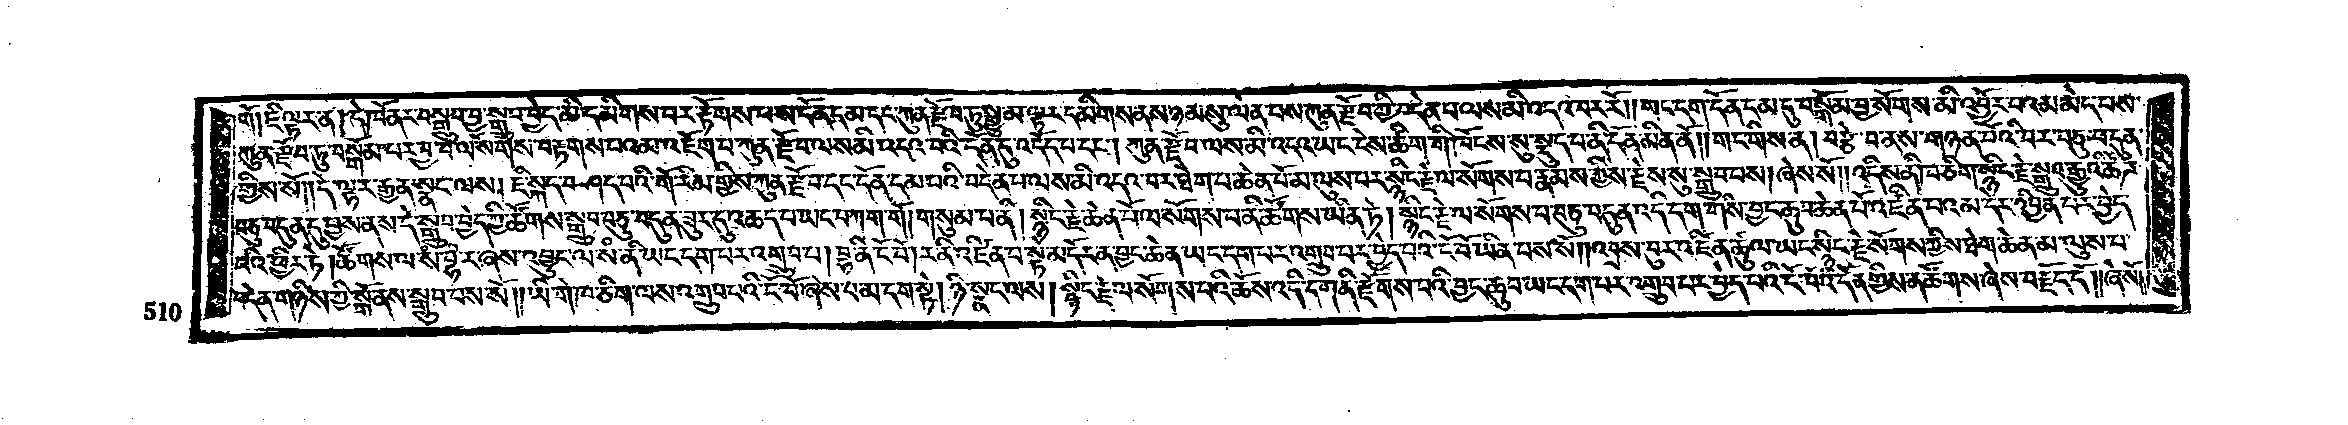གོ །ཇི་ལྟར་ན། དེ་ཁོ་ནར་བསྒྲུབ་བྱ་སྒྲུབ་བྱེད་མི་དམིགས་པར་རྟོགས་པས་དོན་དམ་དང་ཀུན་རྫོབ་ཏུ་སྒྱུ་མ་ལྟར་དམིགས་ནས་ཉམས་སུ་ལེན་པས་ཀུན་རྫོབ་ཀྱི་བདེན་པ་ལས་མི་འདའ་བར་རོ། །གང་དག་དོན་དམ་དུ་བསྒོམ་བྱ་སོགས་མི་འབྱོར་བའམ་མེད་པས་
ཀུན་རྫོབ་ཏུ་བསྒོམ་པར་བྱ་བ་ལ་སོགས་བརྟགས་པའམ་འཇོག་པ་ཀུན་རྫོབ་ལས་མི་འདའ་བའི་དོན་དུ་འདོད་པ་དང་། ཀུན་རྫོབ་ལས་མེ་འདའ་ཡང་ངེས་ཚིག་གི་ཁོངས་སུ་སྡུད་པ་ནི་དོན་མིན་ནོ། །གང་གིས་ནི། བརྩེ་བ་ནས་གཉན་པོའི་བར་བཅུ་བདུན་
གྱིས་སོ། །ད་ལྟར་རྒྱན་སྣང་ལ། ཇི་སྐད་བཤད་པའི་གོ་རིམ་གྱིས་ཀུན་རྫོབ་དང་དོན་དམ་པའི་བདེན་པ་ལས་མི་འདའ་བར་ཐེག་པ་ཆེན་པོ་མ་ལུས་པར་སྙིང་རྗེ་ལ་སོགས་པ་རྣམས་ཀྱིས་རྗེས་སུ་སྒྲུབ་པས། ཞེས་སོ། །འདིས་ནི་ཁ་ཅིག་སྙིང་རྗེ་སྒྲུབ་རྒྱུའི་ཚོགས་
བཅུ་བདུན་དུ་བྱས་ནས་དེ་སྒྲུབ་བྱེད་ཀྱི་ཚོགས་སྒྲུབ་བཅུ་བདུན་ཟུར་དུ་འཆད་པ་ཡང་བཀག་གོ །གསུམ་པ་ནི། སྙིང་རྗེ་ཆེན་པོ་ལ་སོགས་པ་ནི་ཚོགས་ཡིན་ཏེ། སྙིང་རྗེ་ལ་སོགས་པ་བཅུ་བདུན་འདི་དག་གིས་བྱང་ཆུབ་ཆེན་པོ་འཛིན་པའམ་དེར་འབྱིན་པར་བྱེད་
པའི་ཕྱིར་ཏེ། ཚོགས་ལ་སཾ་བྷ་ར་ཞེས་འབྱུང་ལ་སཾ་ནི་ཡང་དག་པར་འགྲུབ་པ། བྷ་ནི་ངོ་བོ། ར་ནི་འཛིན་པ་སྟེ་མདོར་ན་བྱང་ཆེན་ཡང་དག་པར་འགྲུབ་པར་བྱེད་པའི་ངོ་བོ་ཡིན་པས་སོ། །འབྲས་བུར་འཛིན་ཚུལ་ཡང་སྙིང་རྗེ་སོགས་ཀྱིས་ཐེག་ཆེན་མ་ལུས་པ་
བདེན་གཉིས་ཀྱི་སྒོ་ནས་སྒྲུབ་པས་སོ། །ཡི་གེ་ཁ་ཅིག་ལས་འགྲུབ་པའི་ངོ་བོ་ཞེས་པ་མ་དག་སྟེ། ཉི་སྣང་ལས། སྙིང་རྗེ་ལ་སོགས་པའི་ཆོས་འདི་དག་ནི་རྫོགས་པའི་བྱང་ཆུབ་ཡང་དག་པར་འགྲུབ་པར་བྱེད་པའི་ངོ་བོའི་དོན་གྱིས་ན་ཚོགས་ཞེས་བརྗོད་དོ། །ཞེས་སོ།